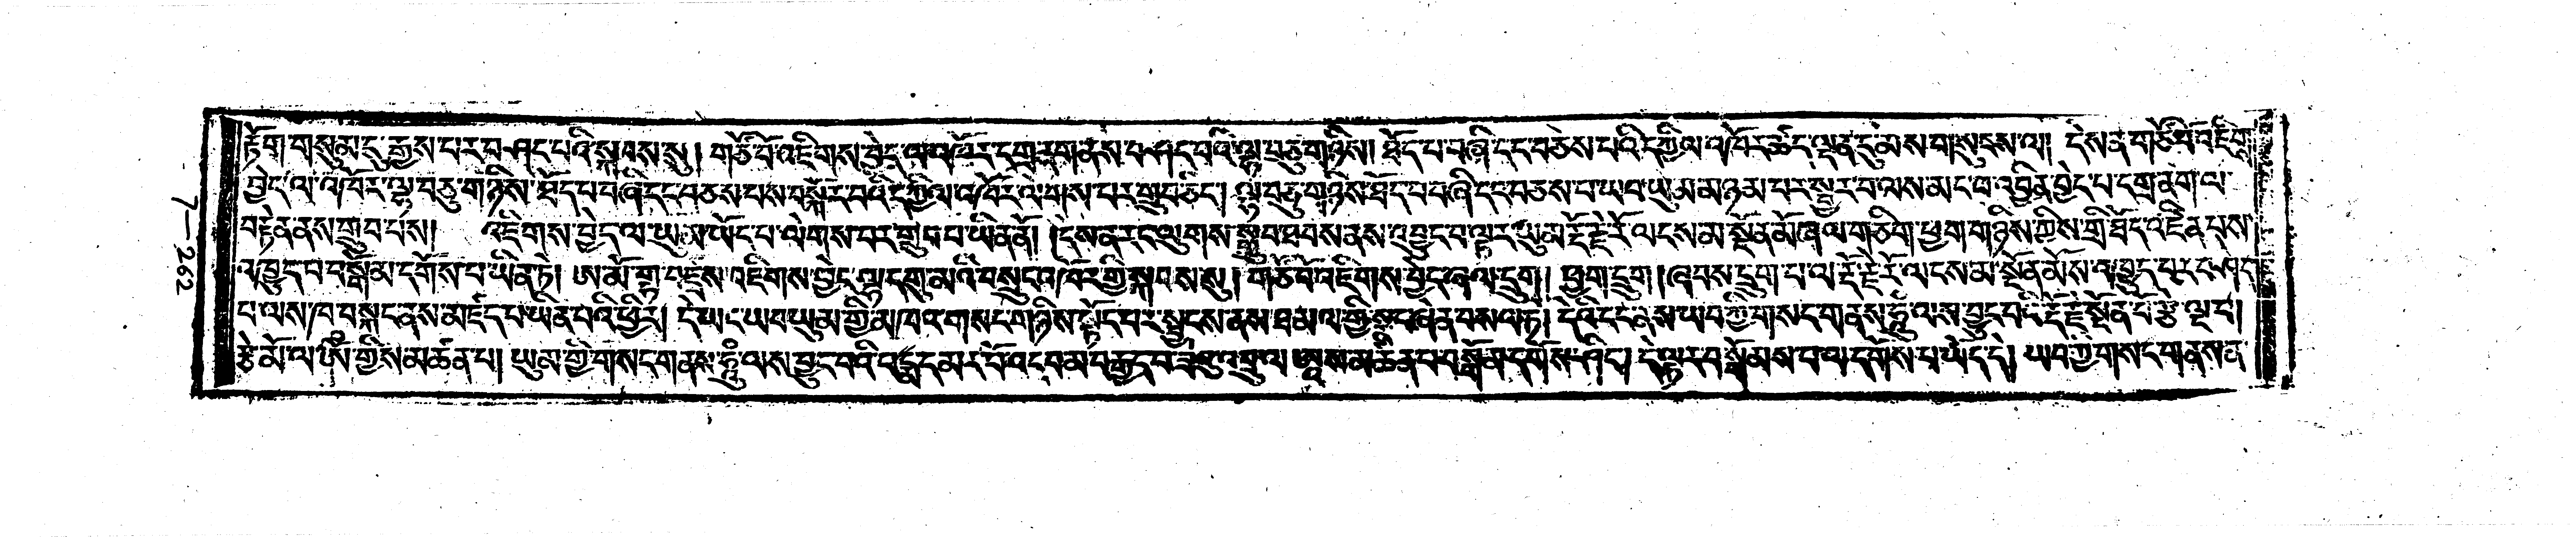རྟོག་གསུམ་དུ་རྒྱས་པར་བཤད་པའི་སྐབས་སུ། གཙོ་བོ་འཇིགས་བྱེད་ལ་འཁོར་དགྲ་ནག་ནས་བཤད་པའི་ལྷ་བཅུ་གཉིས། ཐོད་པ་བཞི་དང་བཅས་པའི་དཀྱིལ་འཁོར་ཚད་ལྡན་དུ་མས་གསུངས་ལ། དེས་ན་གཙོ་བོ་འཇིགས་
བྱེད་ལ་འཁོར་ལྷ་བཅུ་གཉིས་ཐོད་པ་བཞི་དང་བཅས་པས་བསྐོར་བའི་དཀྱིལ་འཁོར་ལེགས་པར་གྲུབ་ཅིང་། ལྷ་བཅུ་གཉིས་ཐོད་པ་བཞི་དང་བཅས་པ་ཡབ་ཡུམ་མཉམ་པར་སྦྱར་བ་ལས་མང་པ་འབྱིན་བྱེད་པ་དགྲ་ནག་ལ་
བརྟེན་ནས་གྲུབ་པས། འཇིགས་བྱེད་ལ་ཡུམ་ཡོད་པ་ལེགས་པར་གྲུབ་པ་ཡིན་ནོ། །དེས་ན་རང་ལུགས་སྒྲུབ་ཐབས་ནས་འབྱུང་བ་ལྟར་ཡུམ་རྡོ་རྗེ་རོ་ལངས་མ་སྔོན་མོ་ཞལ་གཅིག་ཕྱག་གཉིས་ཀྱིས་གྲི་ཐོད་འཛིན་པས་
འཁྱུད་པ་བསྒོམ་དགོས་པ་ཡིན་ཏེ། ཨ་མོ་གྷ་བཛྲས་འཇིགས་བྱེད་ལྷ་དགུ་མའི་བསྲུང་འཁོར་གྱི་སྐབས་སུ། གཙོ་བོ་འཇིགས་བྱེད་ཞལ་དྲུག །ཕྱག་དྲུག །ཞབས་དྲུག་པ་ལ་རྡོ་རྗེ་རོ་ལངས་མ་སྔོན་མོས་འཁྱུད་པར་བཤད་
པ་ལས་ཁ་བསྐང་ནས་མཛད་པ་ཡིན་པའི་ཕྱིར། དེ་ཡང་ཡབ་ཡུམ་གྱི་མཁའ་གསང་གཉིས་སྟོང་བར་སྦྱངས་ནས་ཐ་མལ་གྱི་སྣང་ཞེན་བསལ་ཏེ། དེའི་ངང་ནས་ཡབ་ཀྱི་གསང་གནས་ཧཱུཾ་ལས་བྱུང་བའི་རྡོ་རྗེ་སྔོན་པོ་རྩེ་ལྔ་པ།
རྩེ་མོ་ལ་ཨོཾ་གྱིས་མཚན་པ། ཡུམ་གྱི་གསང་གནས་ཧཱུཾ་ལས་བྱུང་བའི་པདམ་དམར་པོ་འདབ་མ་བརྒྱད་པ་ཟེའུ་འབྲུ་ལ་ཨས་མཚན་པ་བསྒོམ་དགོས་ཤིང་། དེ་ལྟར་བསྒོམས་པ་ལ་དགོས་པ་ཡོད་དོ། ཡབ་ཀྱི་གསང་གནས་ན་